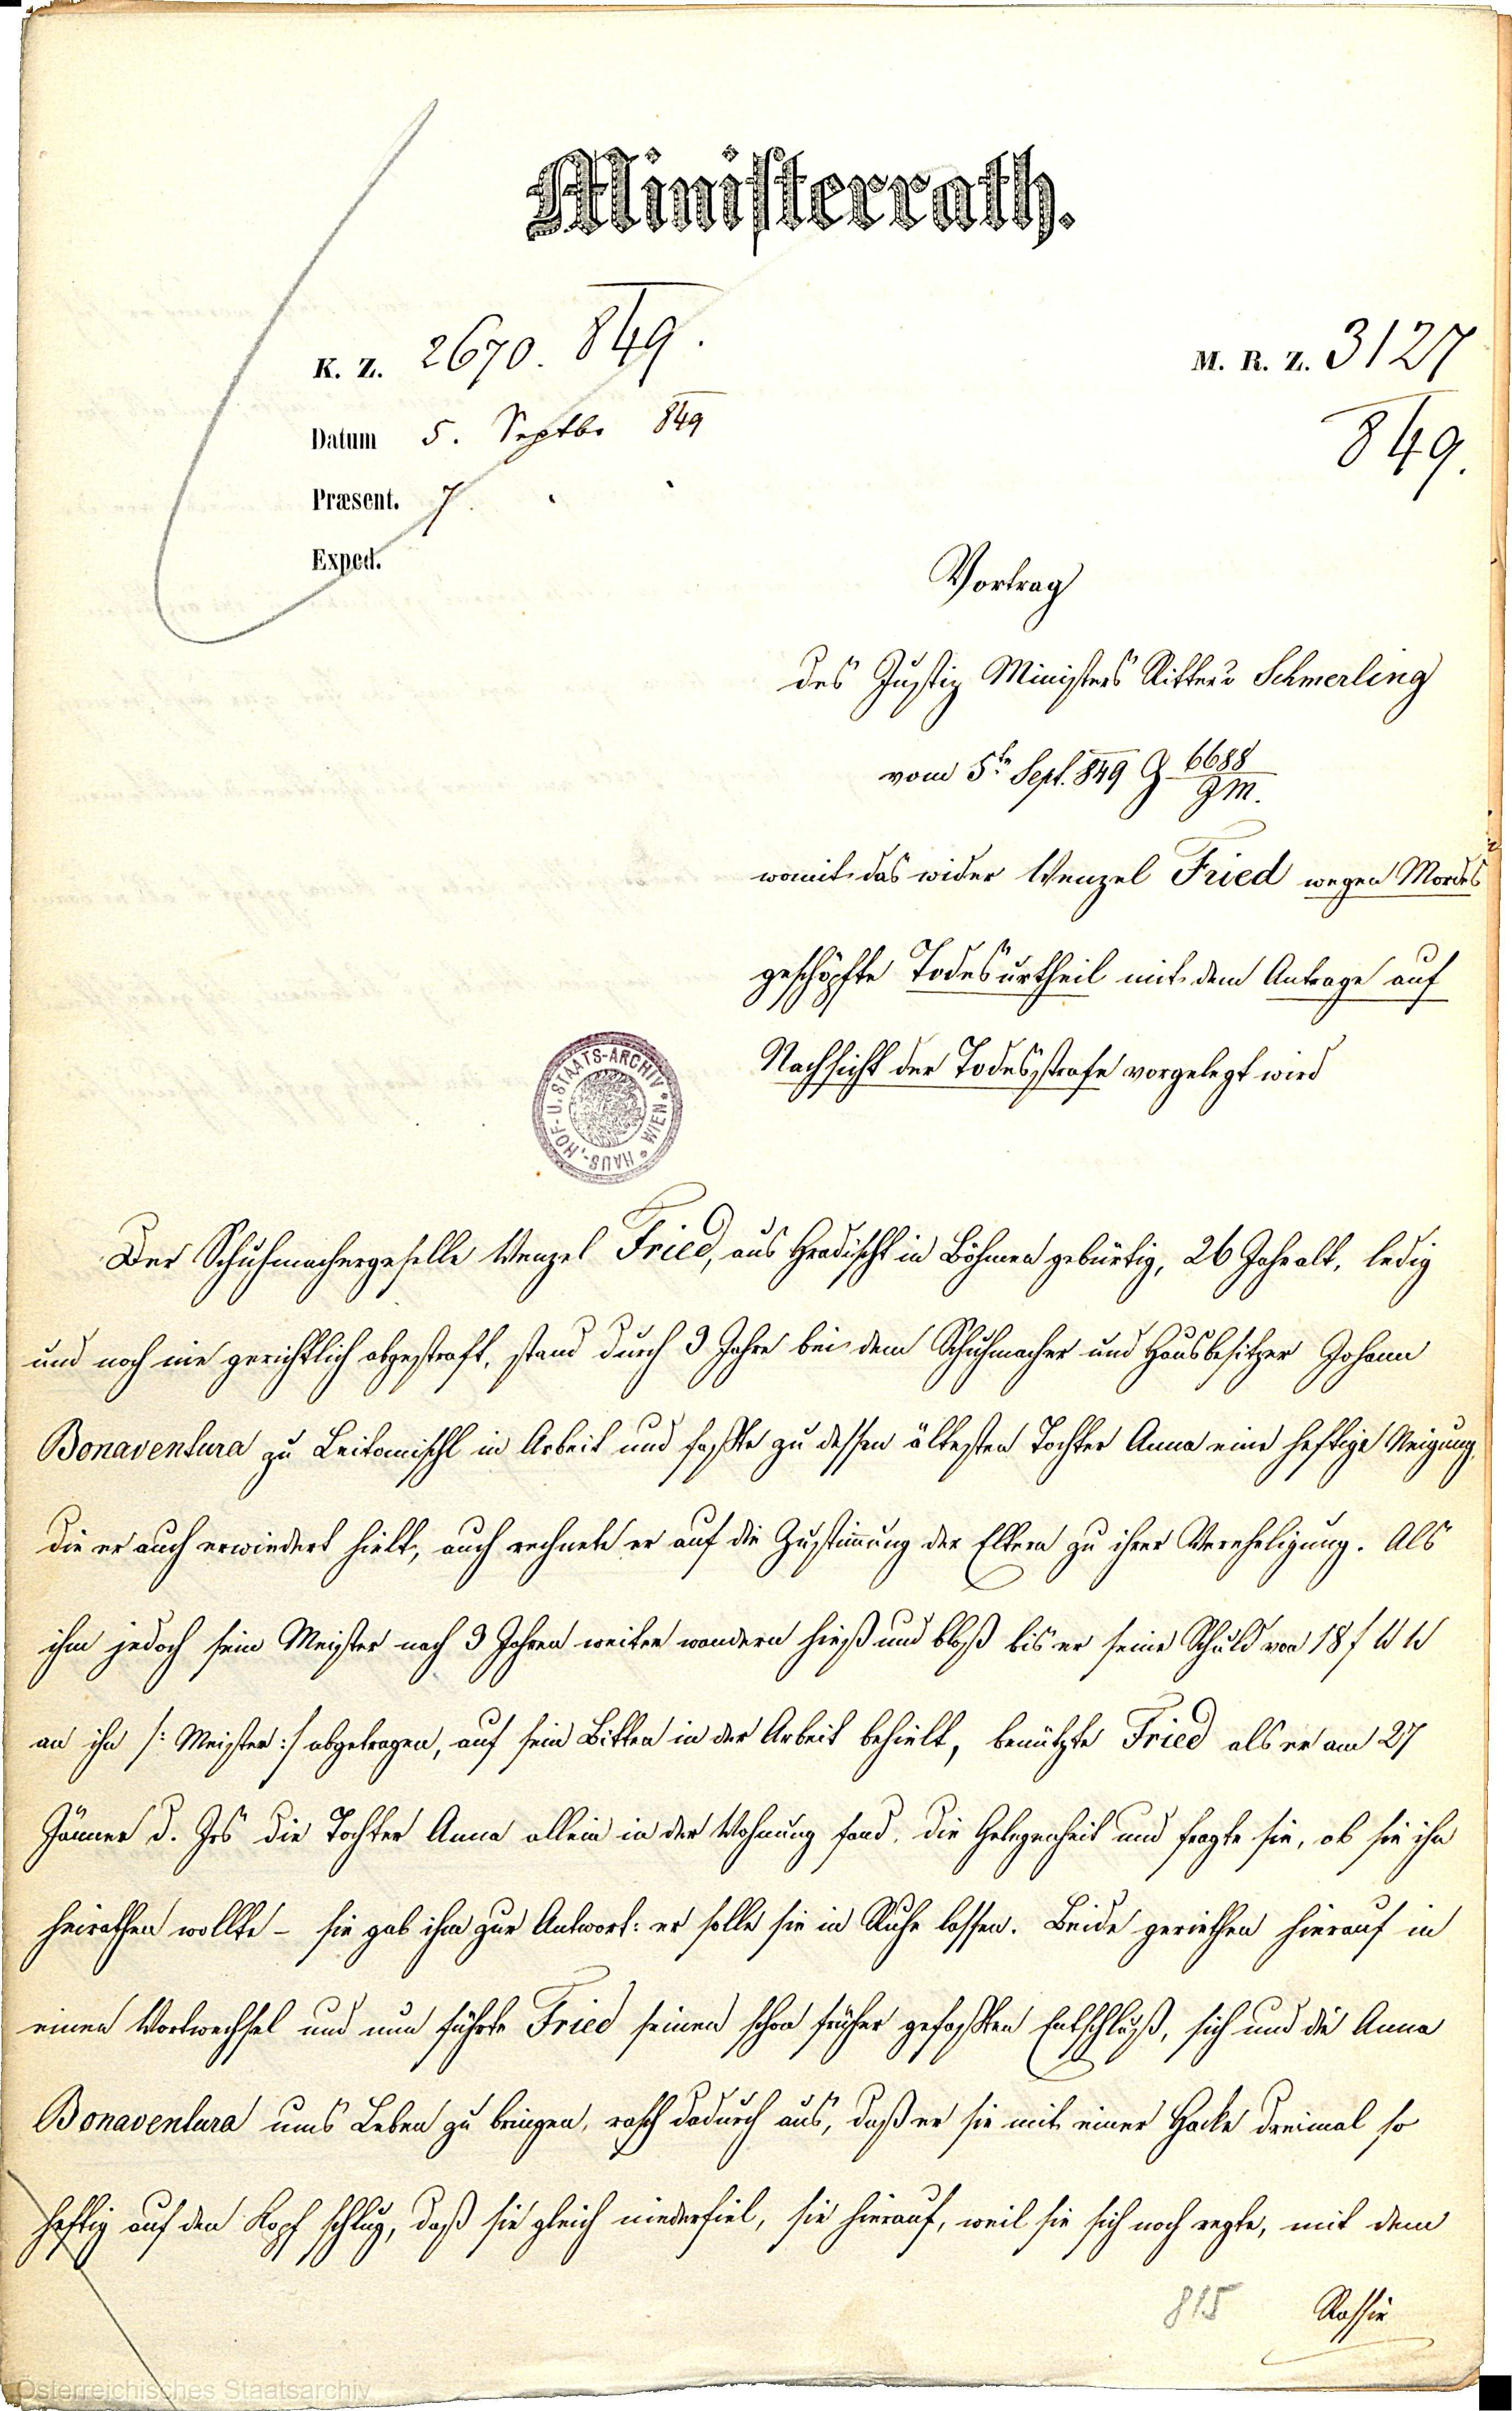Ministerrath
KZ 2670 [1]849
Datum 5. Septbr. 1849
Praesent 7. „ „
Exped.
MRZ 3127/
849
Vortrag
des Justiz-Ministers Ritter v. Schmerling
vom 5te Sept. 849 Z 6688/
JM.
womit das wider Wenzel Fried wegen Mordes
geschöpfte Todesurtheil mit dem Antrage auf
Nachsicht der Todesstrafe vorgelegt wird
Der Schuhmachergeselle Wenzel Fried, aus Hradischt in Böhmen gebürtig, 26 Jahr alt, ledig
und noch nie gerichtlich abgestraft, stand durch 3 Jahre bei dem Schuhmacher und Hausbesitzer Johann
Bonaventura zu Leitomischl in Arbeit und faßte zu dessen ältesten Tochter Anna eine heftige Neigung
die er auch erwiedert hielt, auch rechnete er auf die Zustimmung der Eltern zu ihrer Verehelichung. Als
ihm jedoch sein Meister nach 3 Jahren weiter wandern hieß und bloß bis er seine Schuld von 18f WW
an ihn (Meister) abgetragen, auf sein Bitten in der Arbeit behielt, benützte Fried als er am 27
Jänner d. Jrs die Tochter Anna allein in der Wohnung fand, die Gelegenheit und fragte sie, ob sie ihn
heiraten wollte – sie gab ihm zur Antwort: er solle sie in Ruhe lassen. Beide geriethen hierauf in
einen Wortwechsel und nun führte Fried seiner schon früher gefaßten Entschluß, sich und die Anna
Bonaventura ums Leben zu bringen, rasch dadurch aus, daß er sie mit einer Hacke dreimal so
heftig auf den Kopf schlug, daß sie gleich wiederfiel, sie hierauf, weil sie sich noch regte, mit dem
815
Rossie